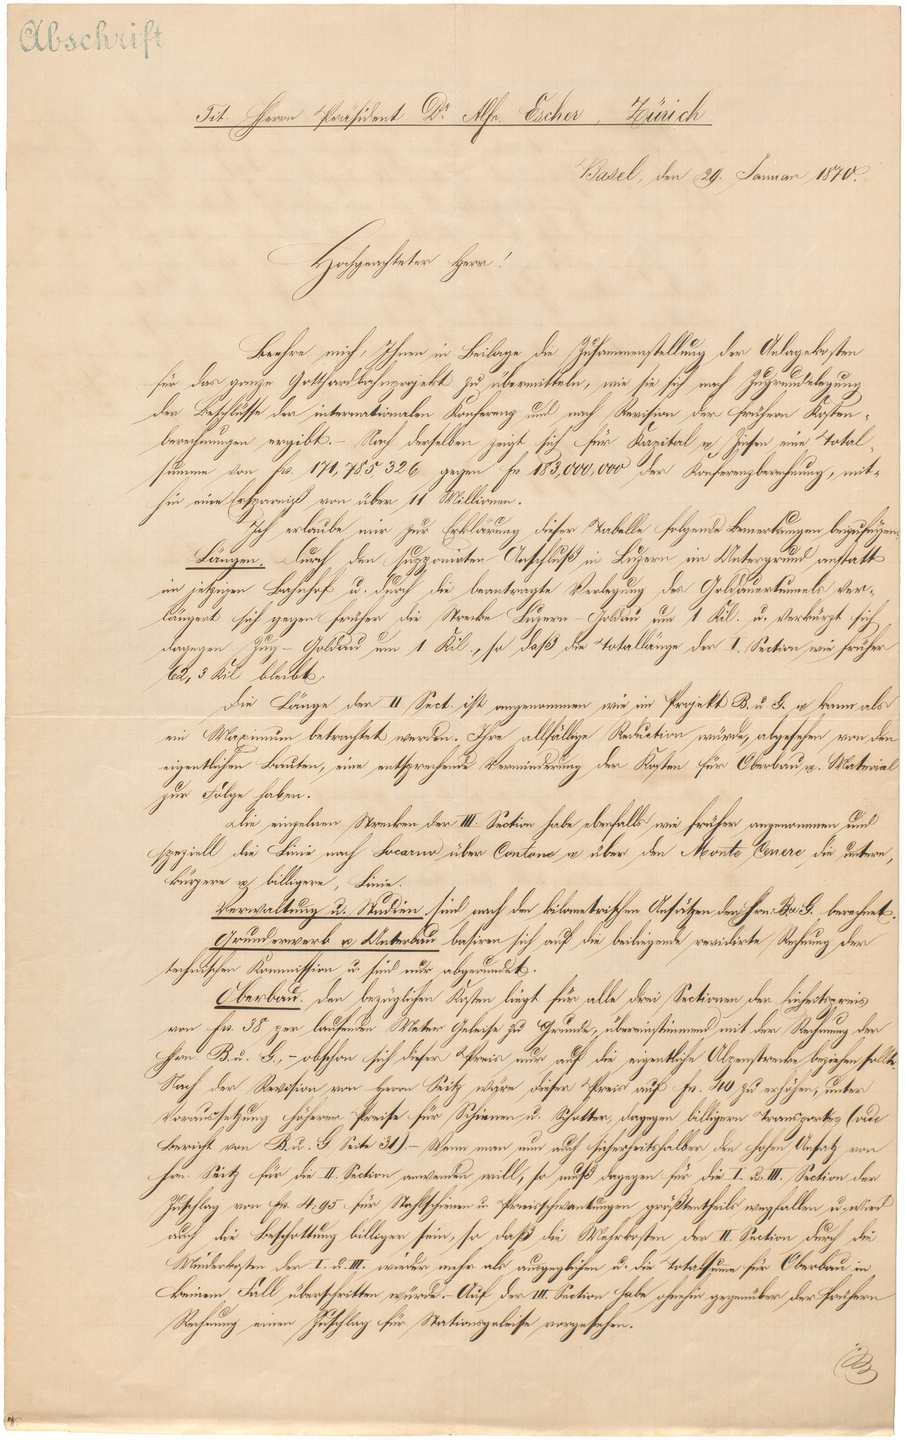Abschrift
Tit. Herrn Präsident Dr Alfr. Escher, Zürich
Basel, den 29. Januar 1870.
Hochgeachteter Herr!
Beehre mich, Ihnen in Beilage die Zusammenstellung der Anlagagekosten
für das ganze Gotthardbahnprojekt zu übermitteln, wie sie sich nach Zugrundelegung
der Beschlüsse der internationalen Konferenz und nach Revision der frühern Kosten-
berechnungen ergibt. – Nach derselben zeigt sich für Kapital & Zinsen eine Total-
summe von frs. 171,785,326 gegen frs 183,000,000 der Konferenzberechnung, mit-
hin eine Ersparniß von über 11 Millionen.
Ich erlaube mir zur Erklärung dieser Tabelle folgende Bemerkungen beizufügen:
Längen. Durch den supponirten Anschluß in Luzern im Untergrund anstatt
im jetzigen Bahnhof u. durch die beantragte Verlegung des Goldauertunnels ver-
längert sich gegen früher die Strecke Luzern–Goldau um 1 Kil. u. verkürzt sich
dagegen Zug–Goldau um 1 Kil., so daß die Totallänge der I. Section wie früher
62,3 Kil bleibt.
ein Maximum betrachtet werden. Ihre allfällige Reduction würde, abgesehen von den
eigentlichen Bauten, eine entsprechende Verminderung der Kosten für Oberbau &. Material
zur Folge haben.
Die einzelnen Strecken der III. Section habe ebenfalls wie früher angenommen und
speziell die Linie nach Locarno über Contone & über den Monte Cenere die untere,
kürzere & billigere, Linie.
Verwaltung u. Studien sind nach den kilometrischen Ansätzen der Hrn. B. & G. berechnet.
Grunderwerb & Unterbau basiren sich auf die beiligende revidirte Rechnung der
technischen Kommission u. sind nur abgerundet.
Oberbau. Den bezüglichen Kosten liegt für alle drei Sectionen der Einheitspreis
von frs. 38 per laufenden Meter Geleise zu Grunde, übereinstimmend mit der Rechnung der
Hrn. B. u. G. – obschon sich dieser Preis nur auf die eigentliche Alpenstrecke beziehen sollte.
Nach der Revision von Herrn Seitz wäre dieser Preis auf frs. 40 zu erhöhen, unter
Voraussetzung höherer Preise für Schienen u. Schotter, dagegen billigern Transportes (vide
Bericht von B. u. G. Seite 31). – Wenn man nun auch sicherheitshalber den hohen Ansatz von
Hrn. Seitz für die II. Section anwenden will, so muß dagegen für die I. u. III. Section der
Zuschlag von frs. 4.65 für Stahlschienen u. Preisschwankungen größtentheils wegfallen u. wird
auch die Beschottung billiger sein, so daß die Mehrkosten der II. Section durch die
Minderkosten der I. u. III. wieder mehr als ausgeglichen u. die Totalsumme für Oberbau in
keinem Fall überschritten würde. – Auf der III. Section habe ohnehin gegenüber der frühern
Rechnung einen Zuschlag für Stationsgeleise vorgesehen.